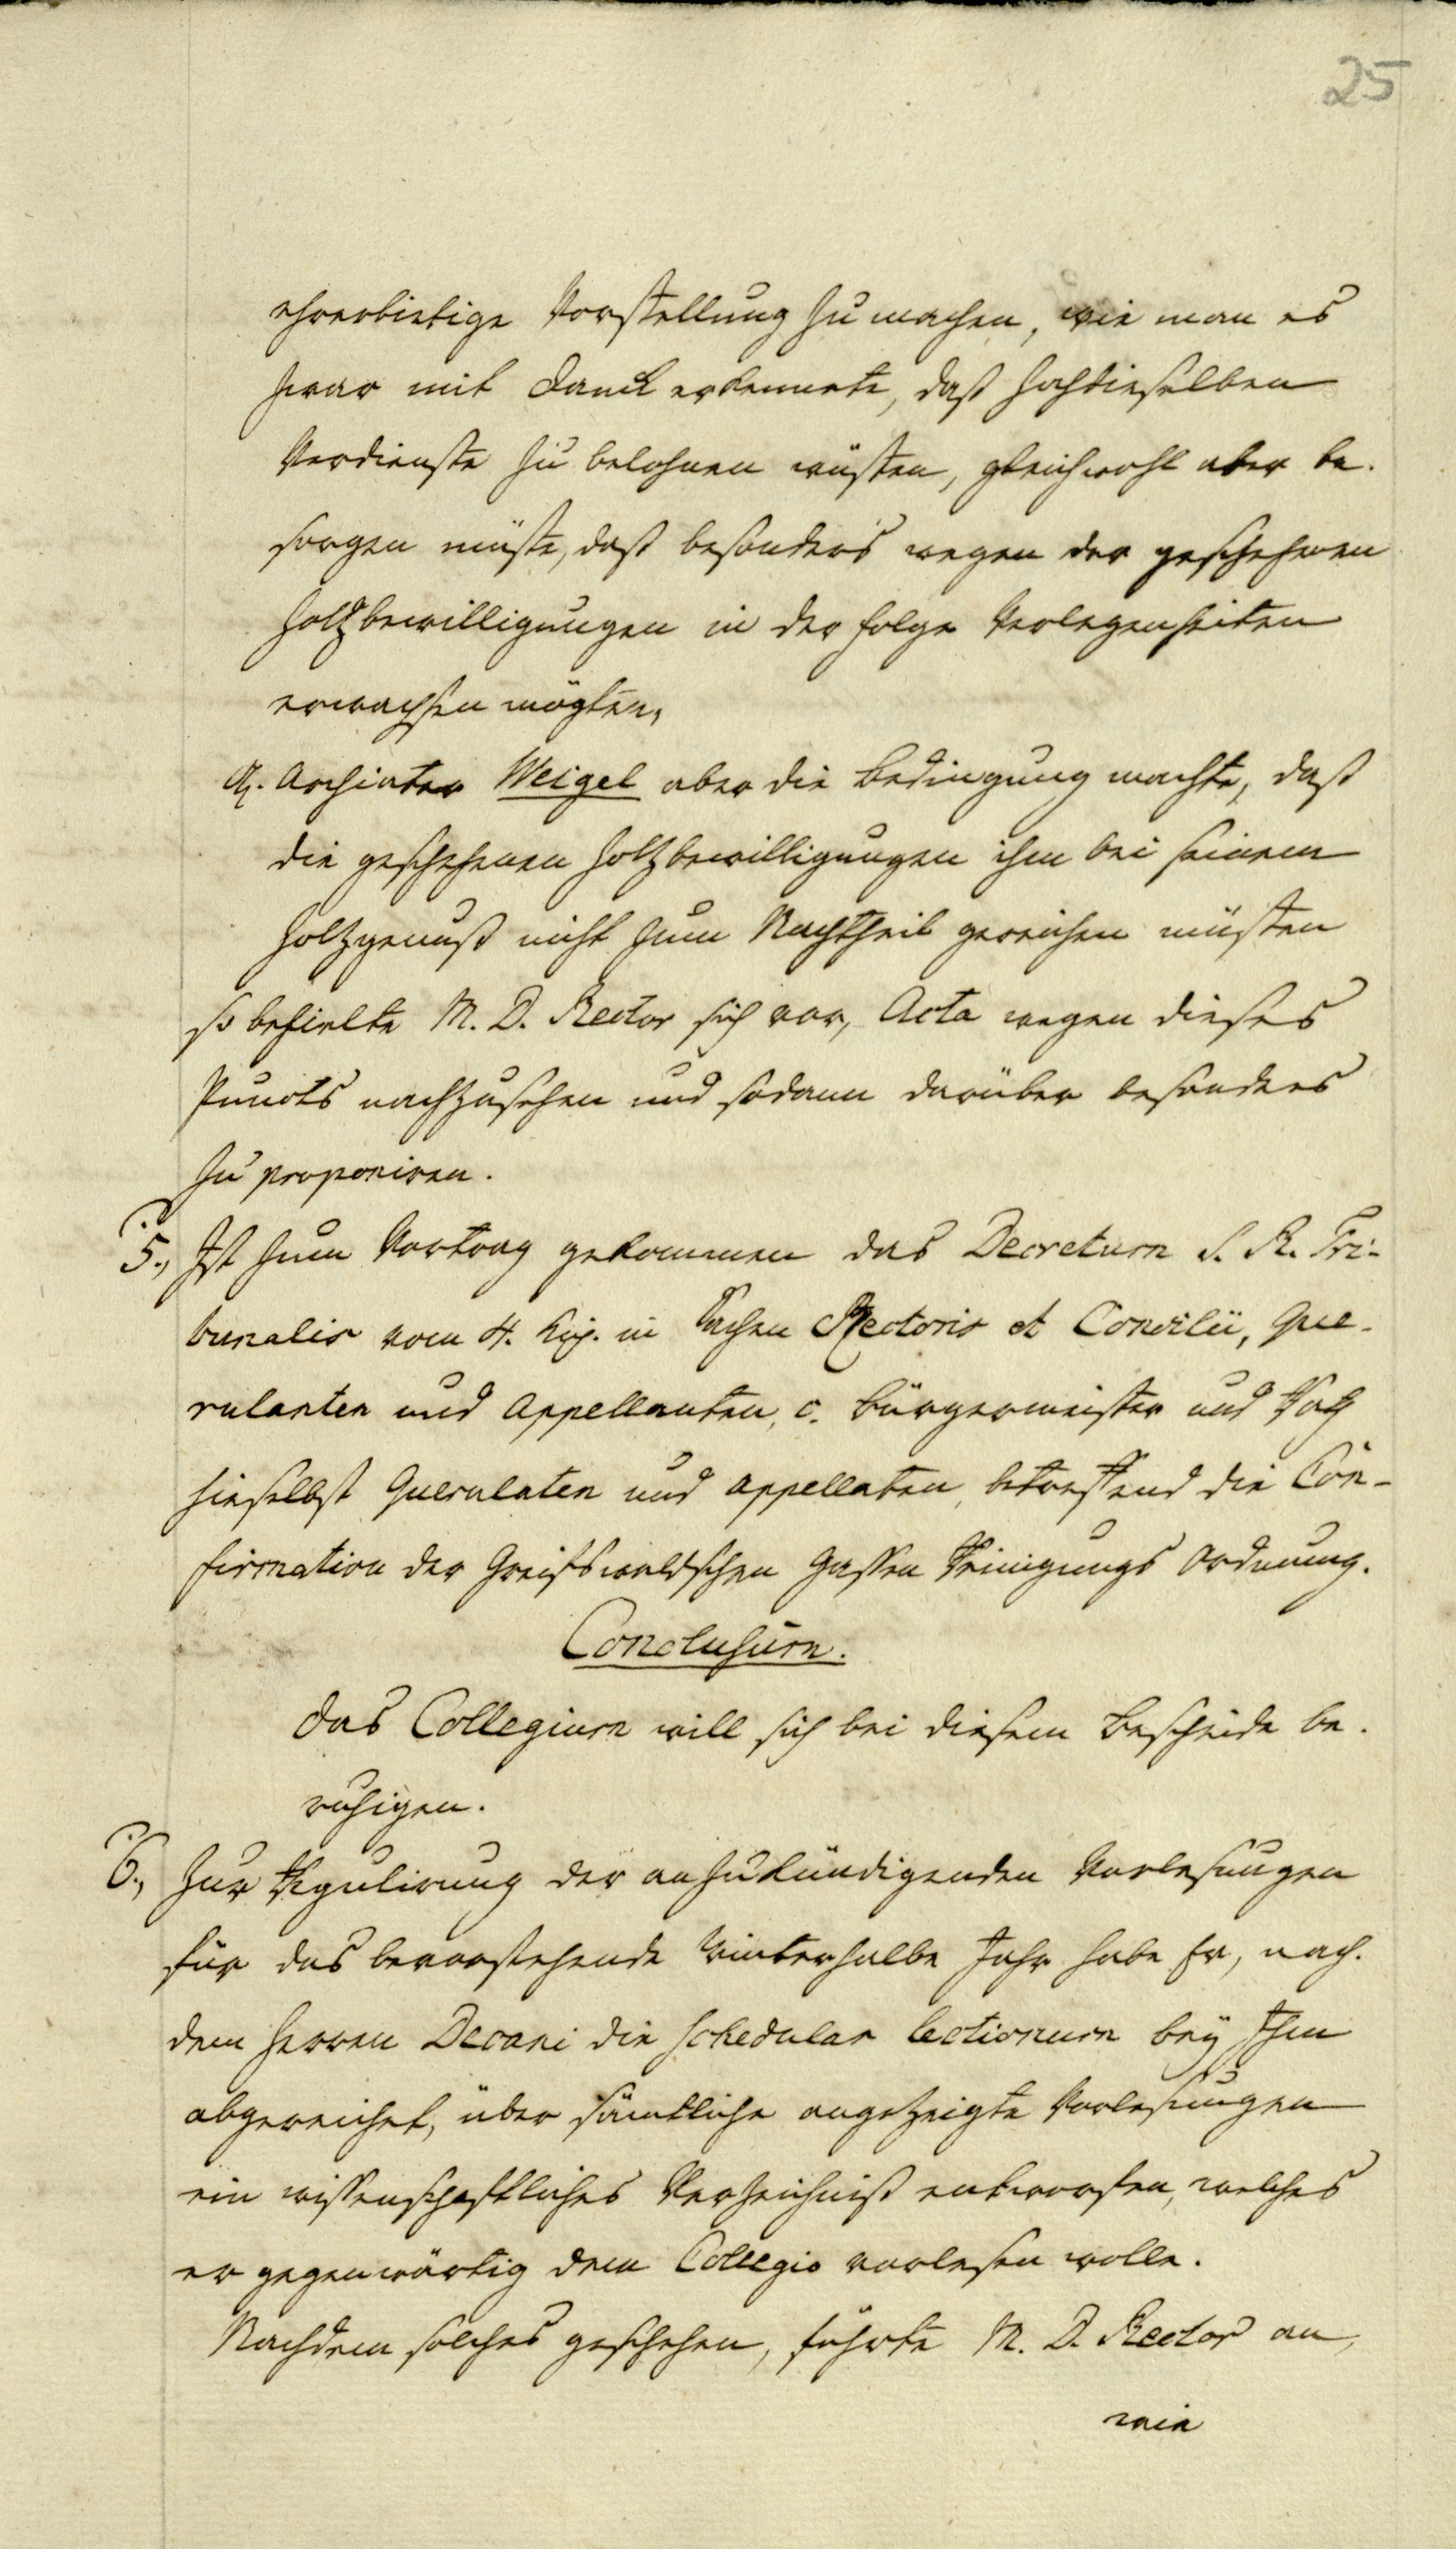ehrerbietige Vorstellung zu machen, wie man es
zwar mit Danck erkennete, daß hochdieselben
Verdienste zu belohnen wüsten, gleichwohl aber be¬
sorgen müste, daß besonders wegen der geschehenen
holzbewilligungen in der Folge Verlegenheiten
erwachsen mögten,
dh. Archiater Weigel aber die Bedingung machte, daß
die geschehenen holzbewilligungen ihm bei seinem
holzgenuß nicht zum Nachtheil gereichen müsten
so behielte M. D. Rector sich vor, Acta wegen dieses
Puncts nachzusehen und sodann darüber besonders
zu proponiren.
5., Ist zum Vortrag gekommen das Decretum S. R. Tri¬
bunalis vom 4. huj. in Sachen Rectoris et Concilii, Que¬
rulanten und Appellanten c. Bürgermeister und Rath
hieselbst Querulaten und Appellaten, betreffend die Con¬
firmation der Greifswaldschen Gassen Reinigungs Ordnung.
Conclusum.
Das Collegium will sich bei diesem Bescheide be¬
ruhigen.
6., Zur Regulirung der anzukündigenden Vorlesungen
für das bevorstehende Winterhalbe Jahr habe Er, nach¬
dem herren Decani die schedular lectionum beÿ Ihm
abgereichet, über sämtliche angezeigte Vorlesungen
ein wissenschaftliches Verzeichniß entworfen, welches
er gegenwärtig dem Collegio vorlesen wolle.
Nachdem solches geschehen, führte M. D. Rector an
wie